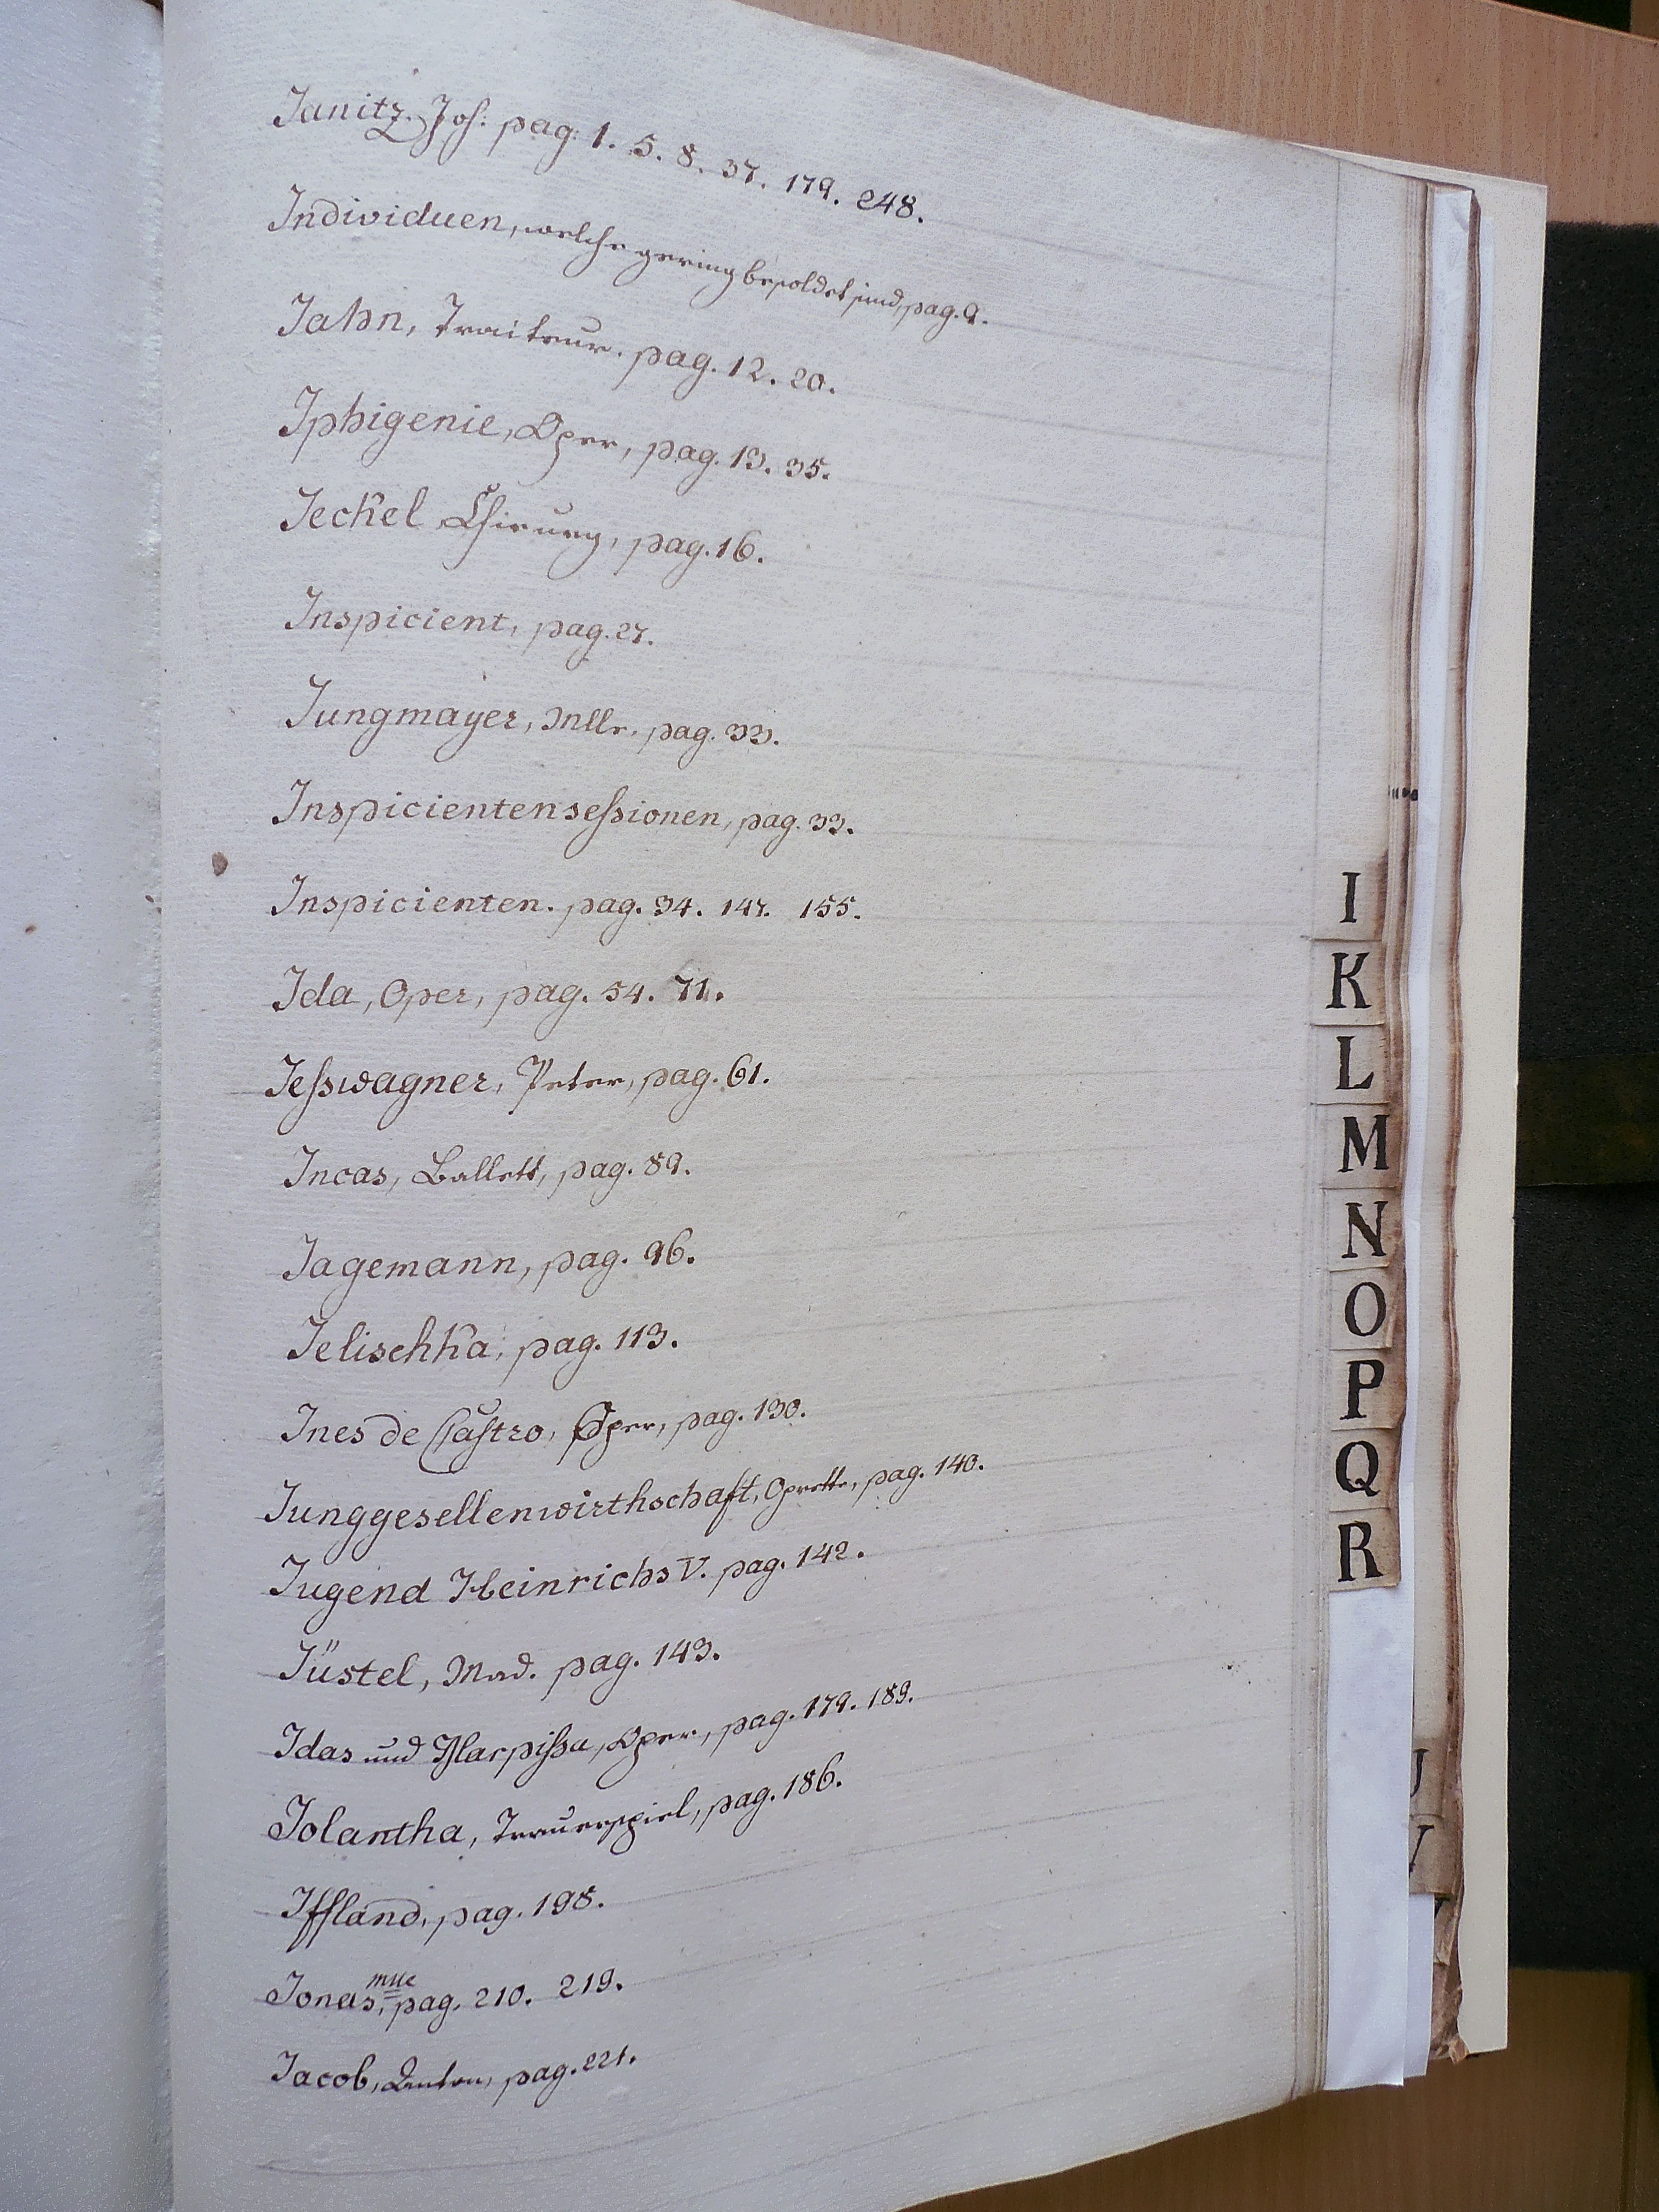I
Janitz. Joh: pag: 1. 5. 8. 37. 179. 248.
Individuen, welche gering besoldet sind. pag. 9.
Jahn, Traiteur. pag. 12. 20.
Iphigenie, Oper, pag. 13. 35.
Jeckel, Chirurg, pag. 16.
Inspicient, pag. 27.
Jungmayer, Mlle. pag. 33.
Inspicientensessionen, pag. 33.
Inspicienten. pag. 34. 147. 155.
Ida, Oper, pag. 54. 71.
Jesswagner, Peter, pag. 61.
Incas, Ballett, pag. 89.
Jagemann, pag. 96.
Jelischka, pag. 113.
Ines de Castro, Oper, pag. 130.
Junggesellenwirthschaft, Oprette, pag. 140.
Jugend Heinrichs V. pag. 142.
Jüstel, Mad. pag. 143.
Idas und Marpissa, Oper, pag, 179. 189.
Jolantha, Trauerspiel, pag. 186.
Iffland, pag. 198.
Jonas,Mll̳epag. 210. 219.
Jacob, Anton, pag. 221.